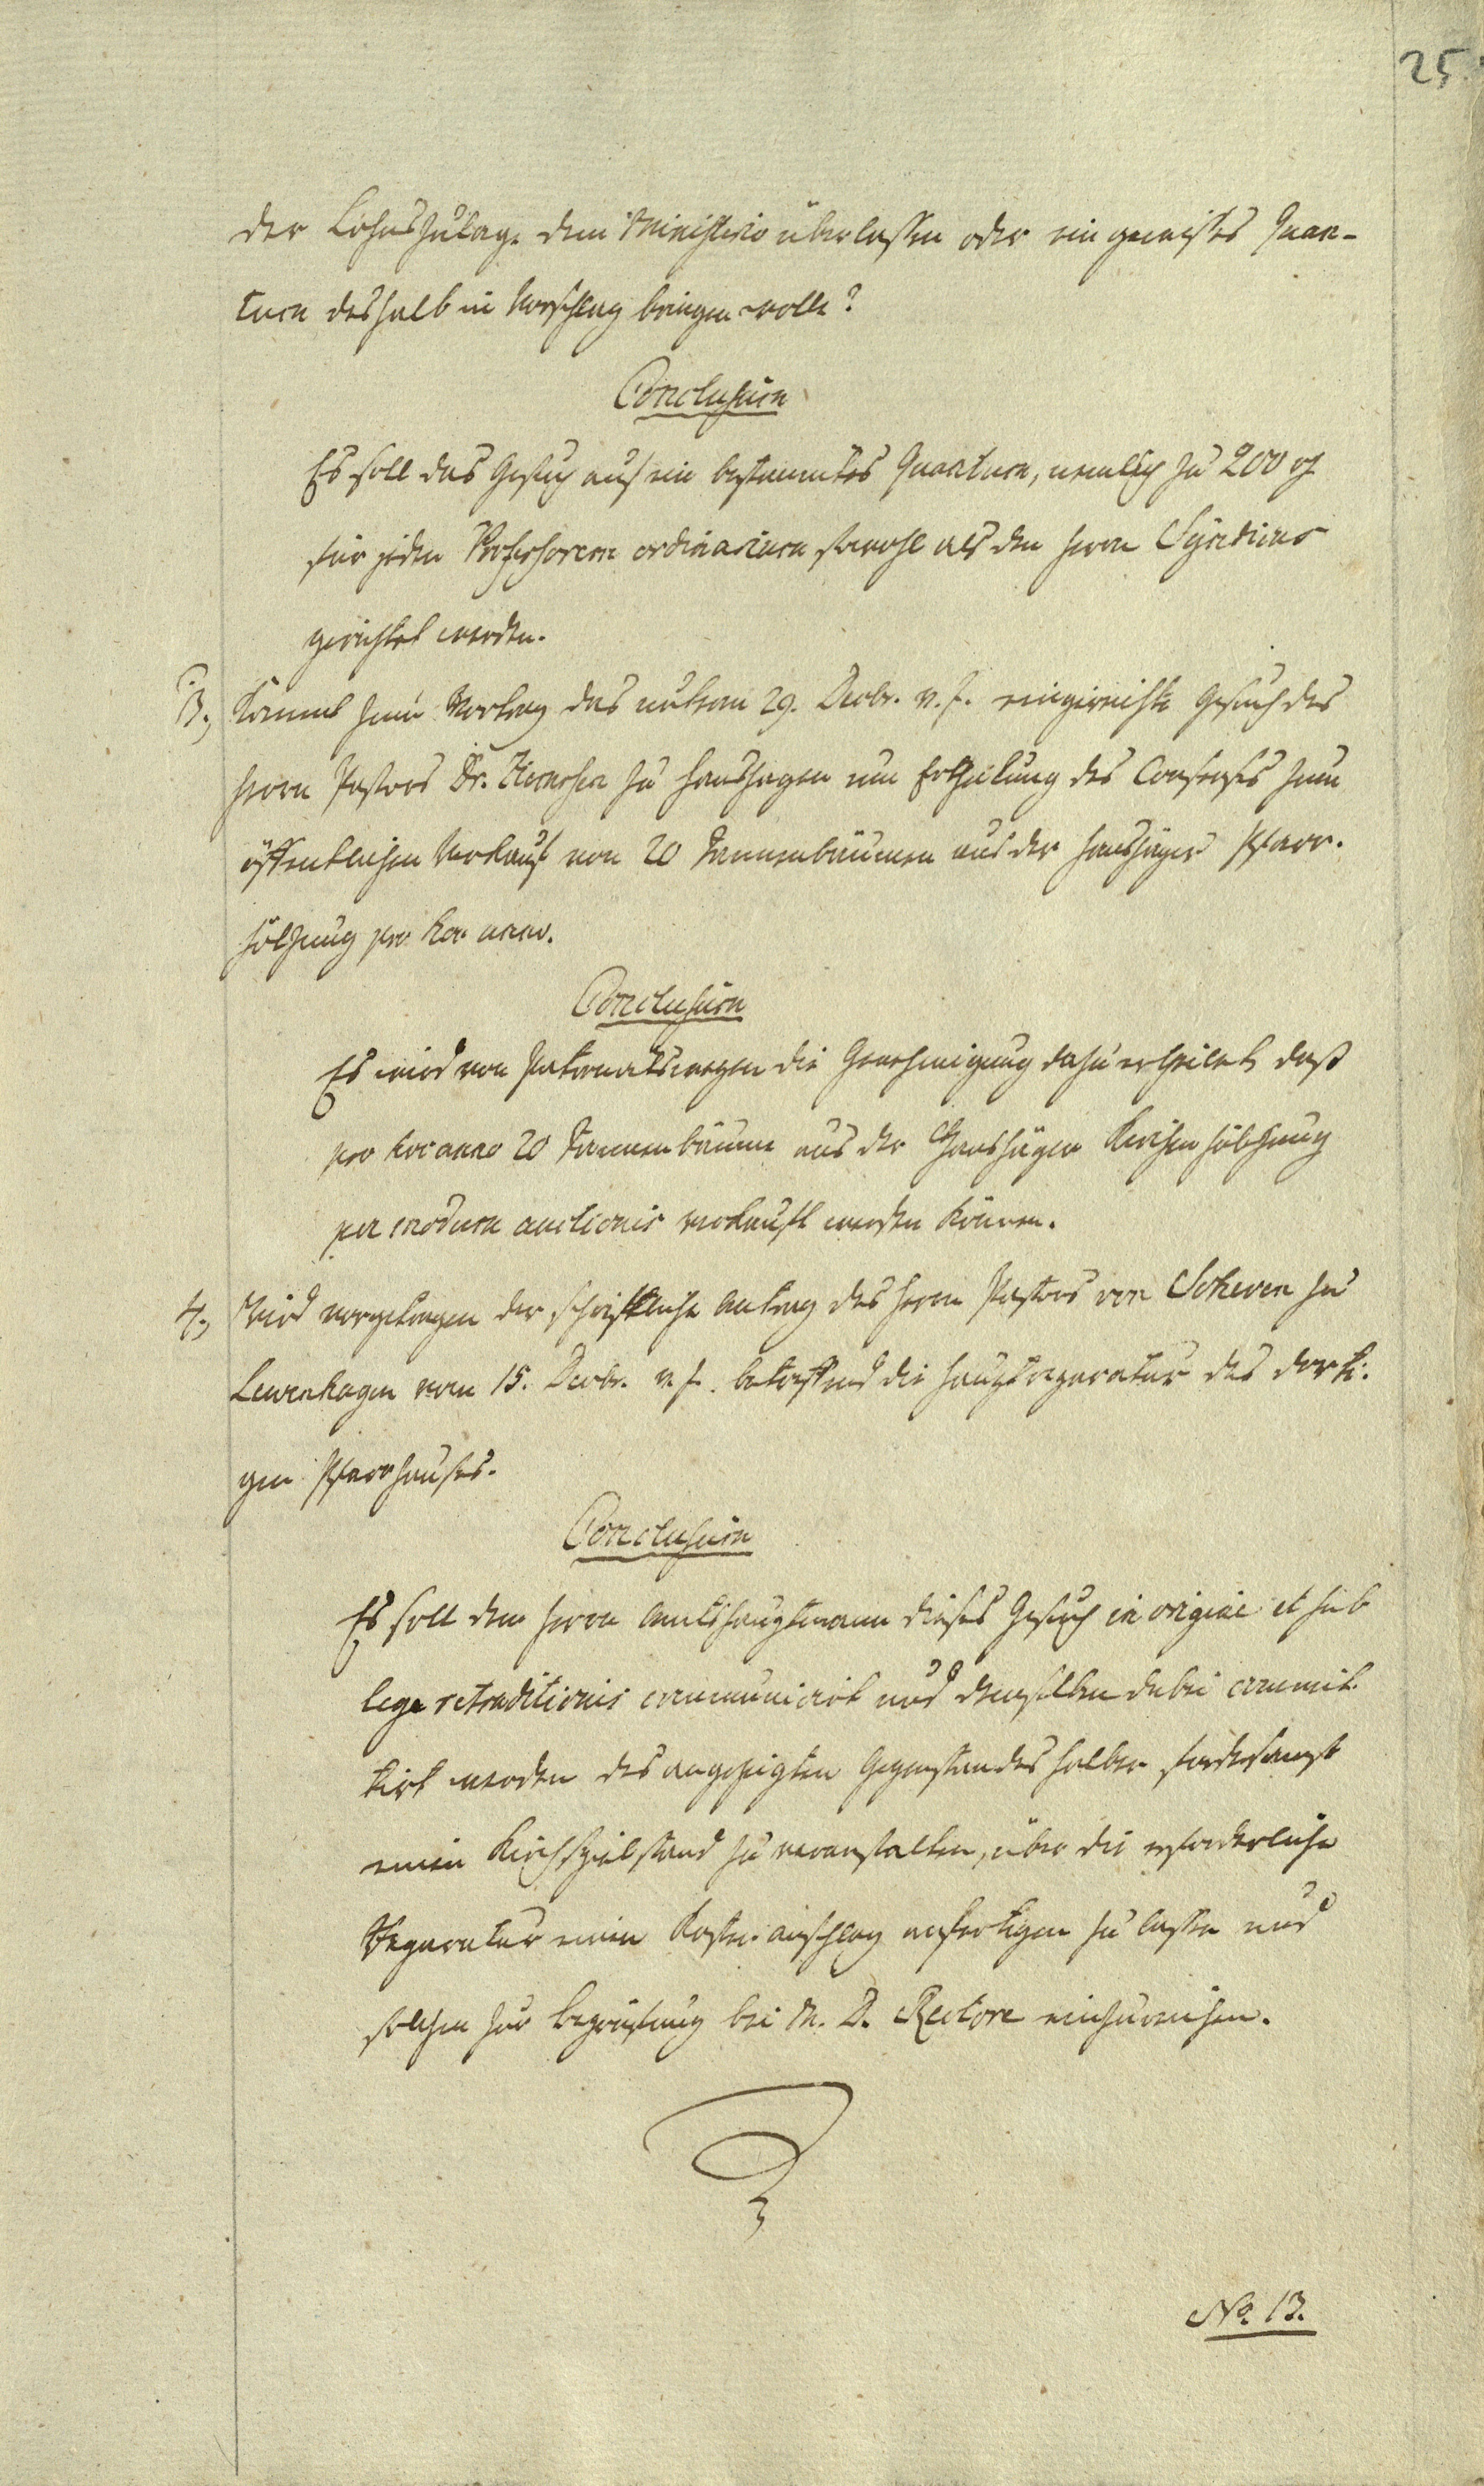der Lohnszulage dem Ministerio überlassen oder ein gewisses Quan¬
tum deshalb in Vorschlag bringen wolle?
Conclusum
Es soll das Gesuch auf ein bestimmtes Quantum, nemlich zu 200 rt
für jeden Professorem ordinarium sowohl als den Herrn Sÿndicus
gerichtet werden.
3. Kommt zum Vortrag das unterm 29. Decbr. v. J. eingereichte Gesuch des
Herrn Pastors Dr. Ziemssen zu Hanshagen um Ertheilung des Consenses zum
öffentlichen Verkauf von 20 Tannenbäumen aus der Hanshäger Pfarr¬
hölzung pro hoc anno.
Conclusum
Es wird von Patronatswegen die Genehmigung dazu ertheilet, daß
pro hoc anno 20 Tannenbäume aus der Hanshäger Kirchenhölzung
per modum auctionis verkauft werden können.
4., Wird vorgetragen der schriftliche Antrag des Herrn Pastors von Scheven zu
Lewenhagen vom 15. Decbr. v. J. betreffend die Hauptreparatur des dorti¬
gen Pfarrhauses.
Conclusum
Es soll dem Herrn Amtshauptmann dieses Gesuch in origine et sub
lege retraditionis communicirt und demselben dabei commit¬
tirt werden des angezeigten Gegenstandes halber fordersamst
einen Kirchspielstand zu veranstalten, über die erforderliche
Reparatur einen Kostenanschlag anfertigen zu lassen und
solchen zur Beprüfung bei M. D. Rectore einzureichen.
No 13.